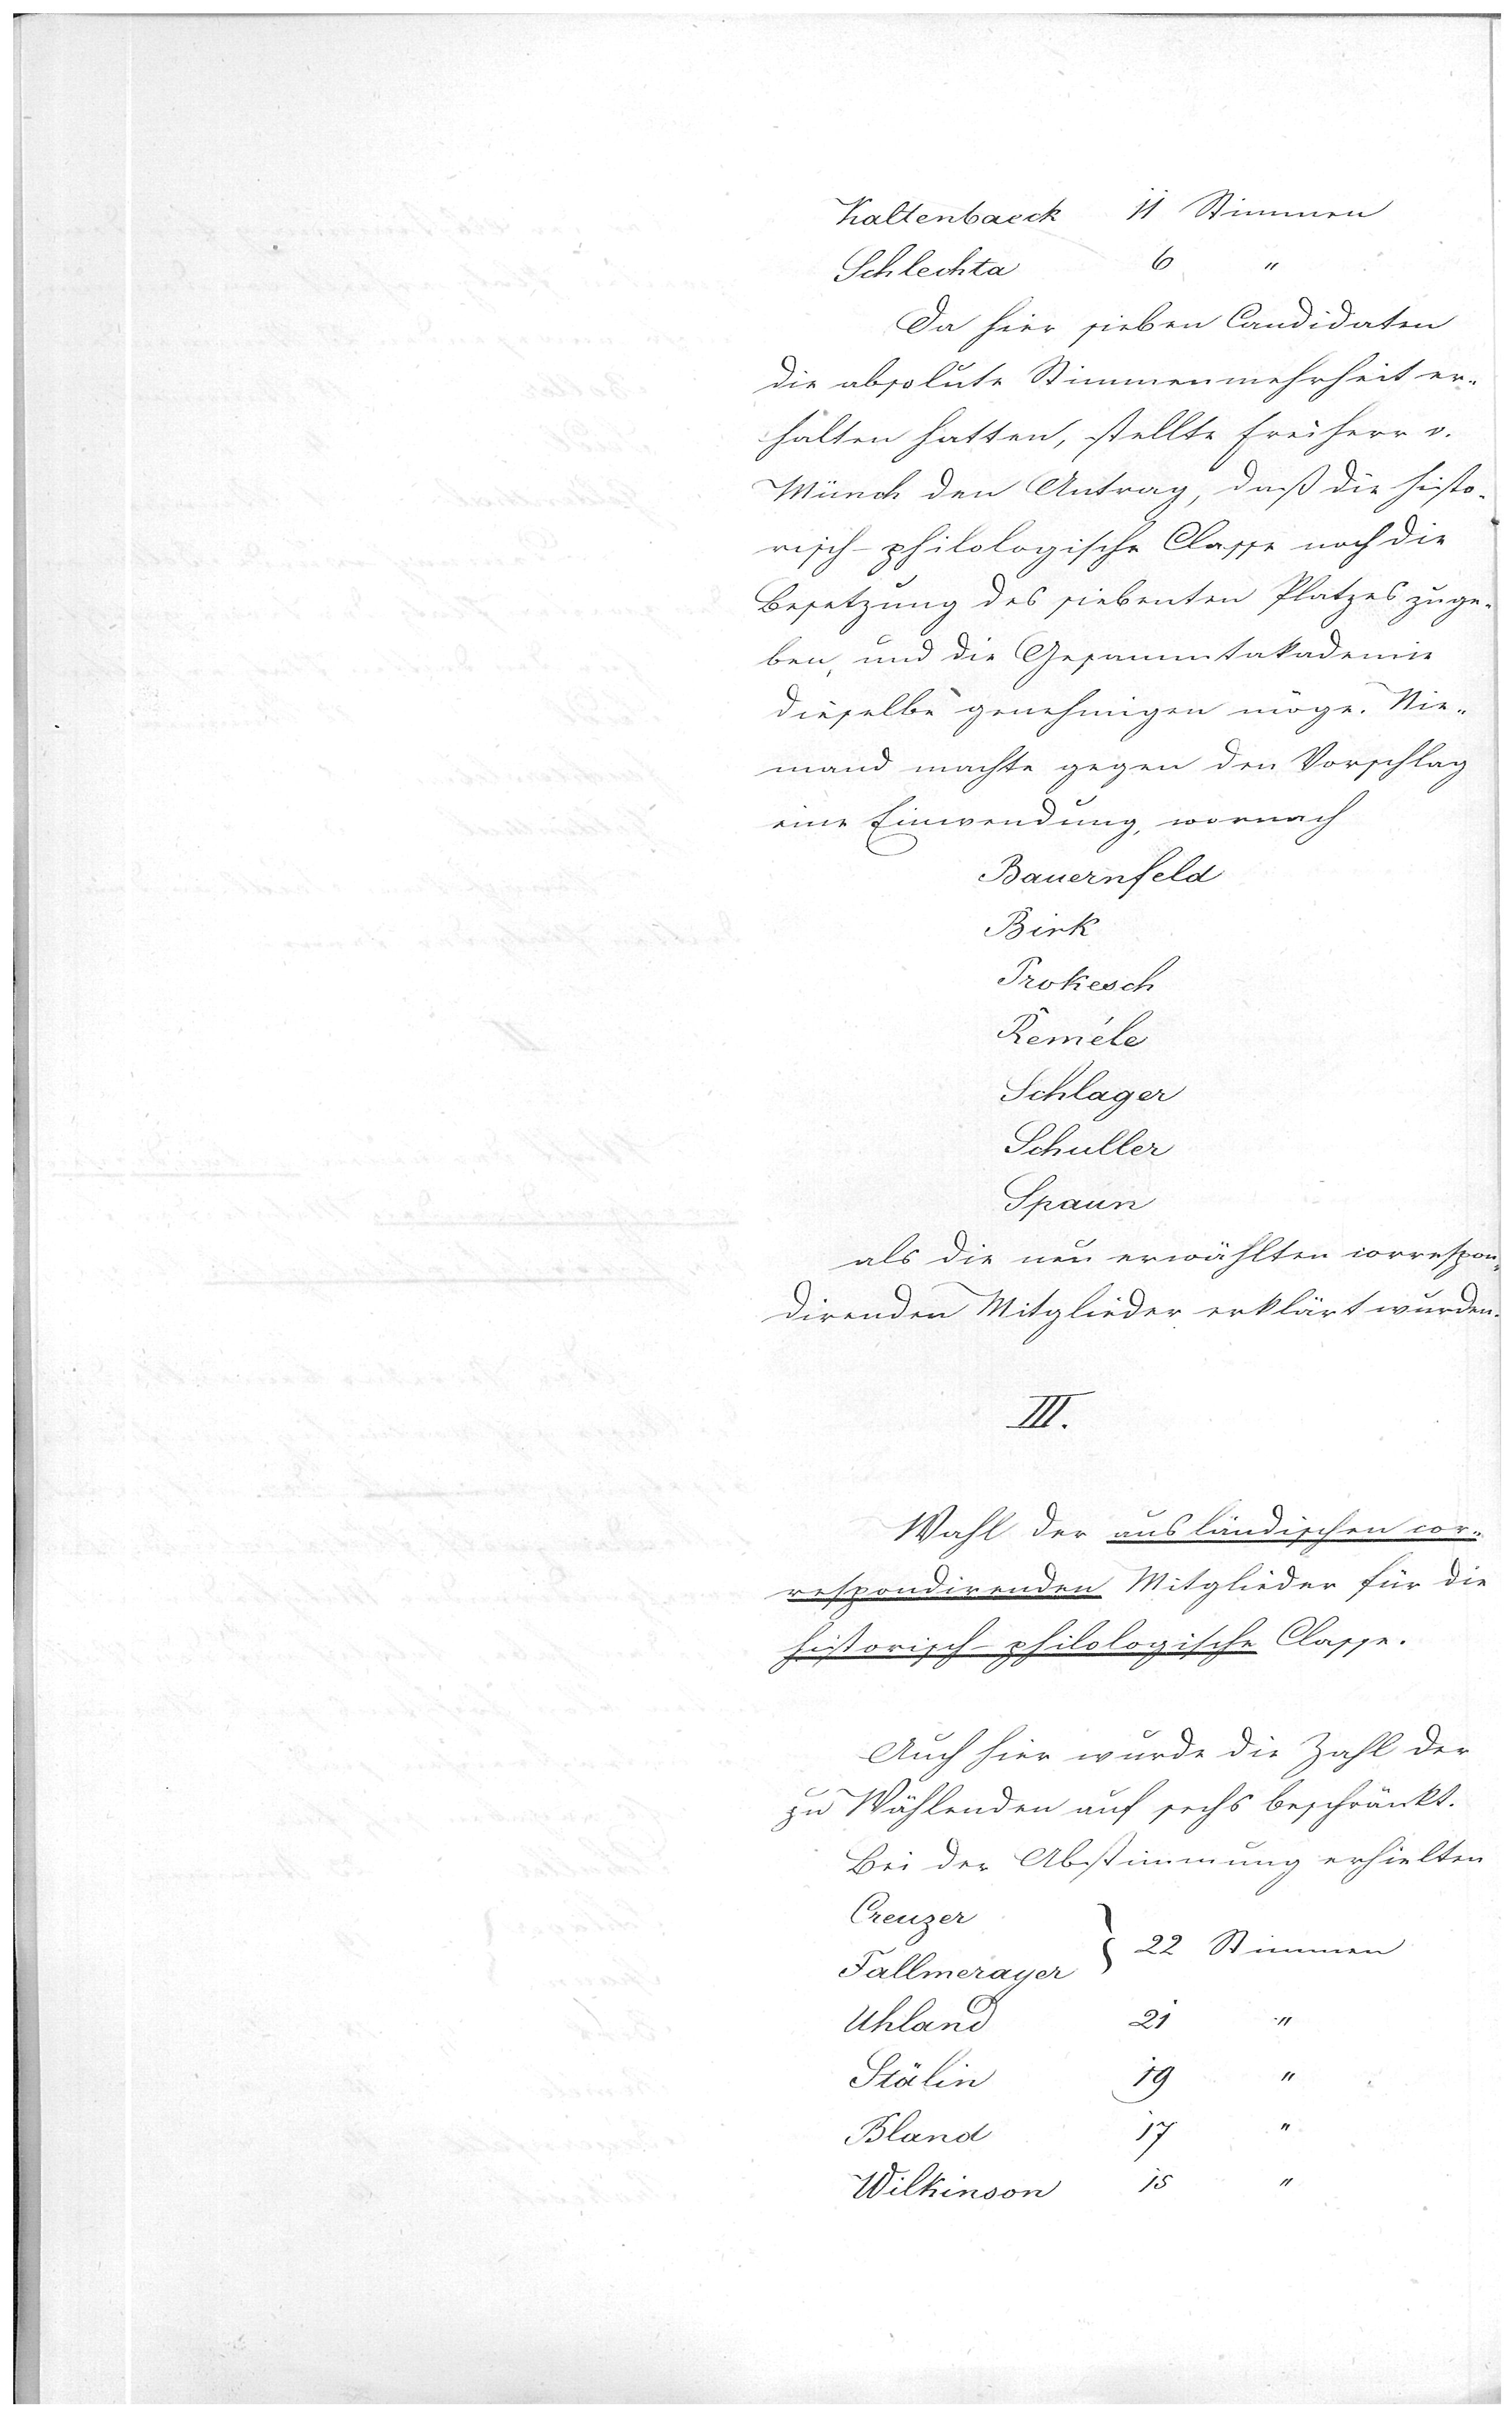Kaltenbaeck 11 Stimmen
Schlechta 6 "
Da hier sieben Candidaten
die absolute Stimmenmehrheit er-
halten hatten, stellte Freiherr v.
Münch den Antrag, daß die histo-
risch-philologische Classe noch die
Benützung des siebenten Platzes zuge-
ben und die Gesamtakademie
dieselbe genehmigen möge. Nie-
mans machte gegen den Vorschlag
eine Einwendung, wornach
Bauernfeld
Birk
Prokesch
Reméle
Schlager
Schuller
Spaun
als die neu erwählten correspon-
direnden Mitglieder erklärt wurden.
III.
Wahl der ausländischen cor-
rospondirenden Mitglieder für die
historisch-philologische Classe
Auf hier wurde die Zahl der
zu Wählenden auf sechs beschränkt.
Bei der Abstimmung erhielten
Creuzer 22 Stimmen
Fallmerayer 22 Stimmen
Uhland 2 "
Stälin 19 "
Bland 17 "
Wilkinson 15 "